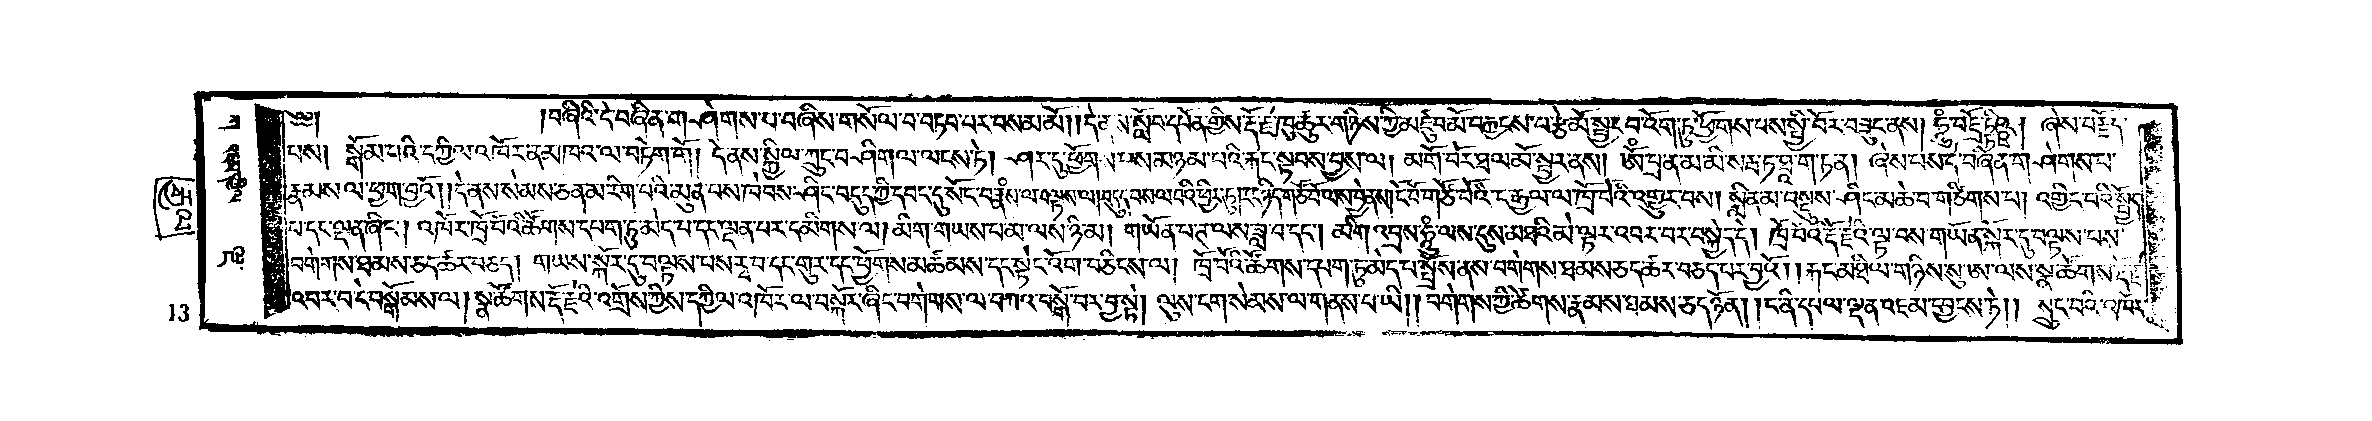༄༅། །བཞིའི་དེ་བཞིན་གཤེགས་པ་བཞིས་གསོལ་བ་བཏབ་པར་བསམ་མོ། །དེ་ནས་སློབ་དཔོན་གྱིས་རྡོ་རྗེ་ཁུ་ཚུར་གཉིས་ཀྱི་མཛུབ་མོ་བརྐྱངས་པ་རྩེ་མོ་སྦྱར་བ་འོག་ཏུ་ཕྱོགས་པས་སྤྱི་བོར་བཟུང་ནས། ཧཱུཾ་བྫྲོ་ཏྟིཥཊཿཨ། ཞེས་བརྗོད་
པས། སྒོམ་པའི་དཀྱིལ་འཁོར་ནམ་མཁའ་ལ་བཏེག་གོ །དེ་ནས་སྐྱིལ་ཀྲུང་བཤིག་ལ་ལངས་ཏེ། ཤར་དུ་ཕྱོགས་པས་མཉམ་པའི་རྐང་སྟབས་བྱས་ལ། མགོ་བོར་ཐལ་མོ་སྦྱར་ནས། ཨོཾ་པྲ་ན་མ་མི་སརྦ་ཏ་ཐཱ་ག་ཏ་ན། ཞེས་པས་དེ་བཞིན་གཤེགས་པ་
རྣམས་ལ་ཕྱག་བྱའོ། །དེ་ནས་སེམས་ཅན་མ་རིག་པའི་མུན་པས་ཁེབས་ཤིང་བདུད་ཀྱི་དབང་དུ་སོང་བ་རྣམས་ལ་བལྟས་ལ། བདུད་བསལ་བའི་ཕྱིར་ཏུ། རང་ཉིད་གཙོ་བོ་ལས་བྱེ་ནས། ངོ་བོ་གཙོ་བོའི་ང་རྒྱལ་ལ་ཁྲོ་བོའི་འགྱུར་བས། སྨིན་མ་བསྡུས་ཤིང་མཆེ་བ་གཙིགས་པ། འགྱིང་པའི་སྤྱོད་
པ་དང་ལྡན་ཞིང་། འཁོར་ཁྲོ་བོའི་ཚོགས་དཔག་ཏུ་མེད་པ་དང་ལྡན་པར་དམིགས་ལ། མིག་གཡས་པ་མ་ལས་ཉི་མ། གཡོན་པ་ཊ་ལས་ཟླ་བ་དང་། མིག་འབྲས་ཧཱུཾ་ལས་དུས་མཐའི་མེ་ལྟར་འབར་བར་བསྐྱེད་དེ། ཁྲོ་བོའི་རྡོ་རྗེའི་ལྟ་བས་གཡོན་སྐོར་དུ་བལྟས་པས་
བགེགས་ཐམས་ཅད་ཚར་བཅད། གཡས་སྐོར་དུ་བལྟས་པས་རྭ་བ་དང་གུར་དང་ཕྱོགས་མཚམས་དང་སྟེང་འོག་བཅིངས་ལ། ཁྲོ་བོའི་ཚོགས་དཔག་ཏུ་མེད་པ་སྤྲོས་ནས་བགེགས་ཐམས་ཅད་ཚར་བཅད་པར་བྱའོ། །རྐང་མཐིལ་གཉིས་སུ་ཨ་ལས་སྣ་ཚོགས་རྡོ་རྗེ་
འབར་བ་དེ་བསྒོམས་ལ། སྣ་ཚོགས་རྡོ་རྗེའི་འགྲོས་ཀྱིས་དཀྱིལ་འཁོར་ལ་བསྐོར་ཞིང་བགེགས་ལ་བཀའ་བསྒོ་བར་བྱ་སྟེ། ལུས་དང་སེམས་ལ་གནས་པ་ཡི། །བགེགས་ཀྱི་ཚེགས་རྣམས་ཐམས་ཅད་ཉོན། །ང་ནི་དཔལ་ལྡན་འཇམ་དབྱངས་ཏེ། །སྲུང་བའི་འཁོར་